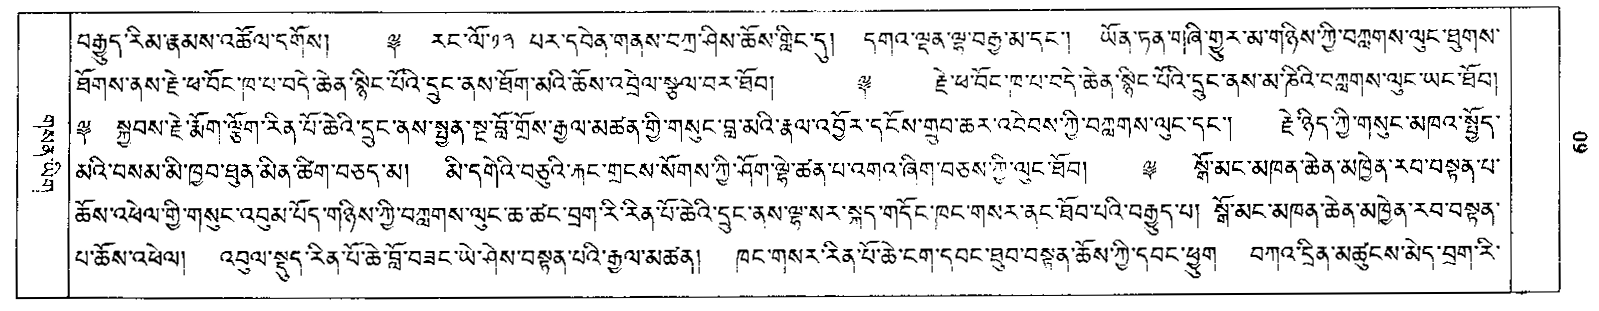བརྒྱུད་རིམ་རྣམས་འཚོལ་དགོས། ༈ རང་ལོ ༡༢་པར་དབེན་གནས་བཀྲ་ཤིས་ཆོས་གླིང་དུ། དགའ་ལྡན་ལྷ་བརྒྱ་མ་དང་། ཡོན་ཏན་གཞི་གྱུར་མ་གཉིས་ཀྱི་བཀླགས་ལུང་ཐུགས་
ཐོགས་ནས་རྗེ་ཕ་བོང་ཁ་པ་བདེ་ཆེན་སྙིང་པོའི་དྲུང་ནས་ཐོག་མའི་ཆོས་འབྲེལ་སྩལ་བར་ཐོབ། ༈ རྗེ་ཕ་བོང་ཁ་པ་བདེ་ཆེན་སྙིང་པོའི་དྲུང་ནས་མ་ཎིའི་བཀླགས་ལུང་ཡང་ཐོབ།
༈ སྐྱབས་རྗེ་རྨོག་ལྕོག་རིན་པོ་ཆེའི་དྲུང་ནས་སྤྱན་སྔ་བློ་གྲོས་རྒྱལ་མཚན་གྱི་གསུང་བླ་མའི་རྣལ་འབྱོར་དངོས་གྲུབ་ཆར་འབེབས་ཀྱི་བཀླགས་ལུང་དང་། རྗེ་ཉིད་ཀྱི་གསུང་མཁའ་སྤྱོད་
མའི་བསམ་མི་ཁྱབ་ཐུན་མིན་ཚིག་བཅད་མ། མི་དགེའི་བཅུའི་རྐང་གྲངས་སོགས་ཀྱི་ཤོག་ལྷེ་ཚན་པ་འགའ་ཞིག་བཅས་ཀྱི་ལུང་ཐོབ། ༈ སྒོ་མང་མཁན་ཆེན་མཁྱེན་རབ་བསྟན་པ་
ཆོས་འཕེལ་གྱི་གསུང་འབུམ་པོད་གཉིས་ཀྱི་བཀླགས་ལུང་ཆ་ཚང་བྲག་རི་རིན་པོ་ཆེའི་དྲུང་ནས་ལྷ་སར་སྐད་གདོང་ཁང་གསར་ནང་ཐོབ་པའི་བརྒྱུད་པ། སྒོ་མང་མཁན་ཆེན་མཁྱེན་རབ་བསྟན་
པ་ཆོས་འཕེལ། འབུལ་སྡུད་རིན་པོ་ཆེ་བློ་བཟང་ཡེ་ཤེས་བསྟན་པའི་རྒྱལ་མཚན། ཁང་གསར་རིན་པོ་ཆེ་ངག་དབང་ཐུབ་བསྟན་ཆོས་ཀྱི་དབང་ཕྱུག་བཀའ་དྲིན་མཚུངས་མེད་བྲག་རི་